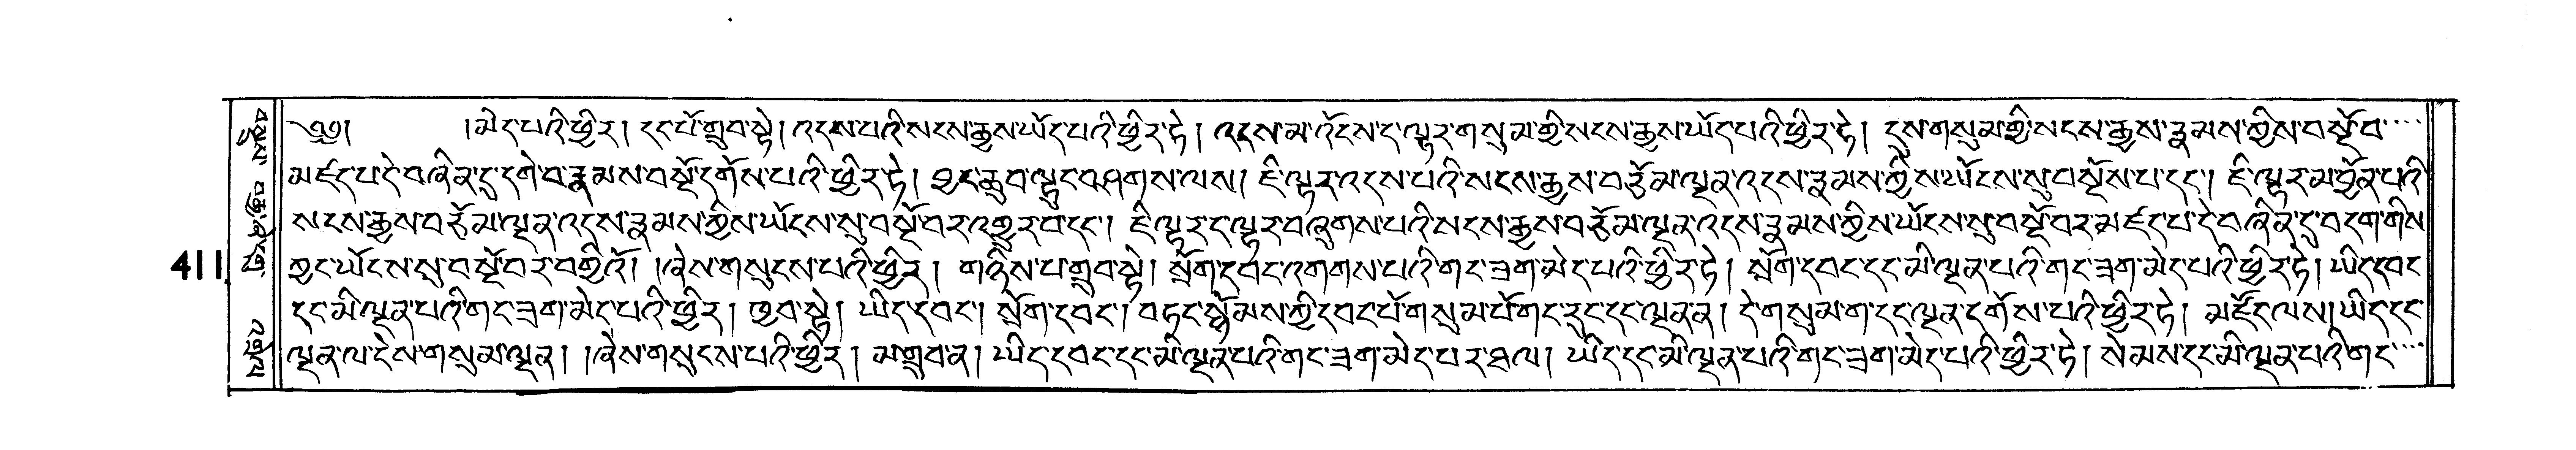༄༅། །མེད་པའི་ཕྱིར། དང་པོ་གྲུབ་སྟེ། འདས་པའི་སངས་རྒྱས་ཡོད་པའི་ཕྱིར་ཏེ། འདས་མ་འོངས་ད་ལྷར་གསུམ་གྱི་སངས་རྒྱས་ཡོད་པའི་ཕྱིར་ཏེ། དུས་གསུམ་གྱི་སངས་རྒྱས་ཀྱིས་བསྔོ་བ་
མཛད་པ་དེ་བཞིན་དུ་དགེ་བ་རྣམས་བསྔོ་དགོས་པའི་ཕྱིར་ཏེ། བྱང་ཆུབ་སེམས་ལྟུང་བཤགས་ལས། ཇི་ལྟར་འདས་པའི་སངས་རྒྱས་བཅོམ་ལྡན་འདས་རྣམས་ཀྱི་ས་ཡོངས་སུ་བསྔོས་པ་དང་། ཇི་ལྟར་མ་བྱོན་པའི་
སངས་རྒྱས་བཅོམ་ལྡན་འདས་རྣམས་ཀྱི་ཡོངས་སུ་བསྔོ་བར་འགྱུར་བ་དང་། ཇི་ལྟར་ལྷར་བཞུགས་པའི་སངས་རྒྱས་བཅོམ་ལྡན་འདས་རྣམས་ཀྱིས་ཡོངས་སུ་བསྔོ་བར་མཛད་པ་དེ་བཞིན་དུ་བདག་གིས་
ཀྱང་ཡོངས་སུ་བྔོ་བར་བགྱིའོ། །ཞེས་གསུངས་པའི་ཕྱིར། གཉིས་པ་གྲུབ་སྟེ། སྲོག་དབང་འགགས་པའི་གང་ཟག་མེད་པའི་ཕྱིར་ཏེ། སྲོག་དབང་དང་མི་ལྡན་པའི་གང་ཟག་མེད་པའི་ཕྱིར་ཏེ། ཡིད་དབང་
དང་མི་ལྡན་པའི་གང་ཟག་མེད་པའི་ཕྱིར། ཁྱབ་སྟེ། ཡིད་དབང་། སྲོག་དབང་། བཏང་སྙོམས་ཀྱི་དབང་པོ་གསུམ་པོ་གང་རུང་དང་ལྡན་ན། དེ་གསུམ་དང་ལྡན་དགོས་པའི་ཕྱིར་ཏེ། མཛོད་ལས་ཡིད་དང་
ལྡན་ལ་ངེས་གསུམ་ལྡན། །ཞེས་གསུངས་པའི་ཕྱིར། མ་གྲུབ་ན། ཡིད་དབང་དང་མི་ལྡན་པའི་ཟག་མེད་པར་ཐལ། ཡིད་དང་མི་ལྡན་པའི་གང་ཟག་མེད་པའི་ཕྱིར་ཏེ། སེམས་དང་མི་ལྡན་པའི་གང་